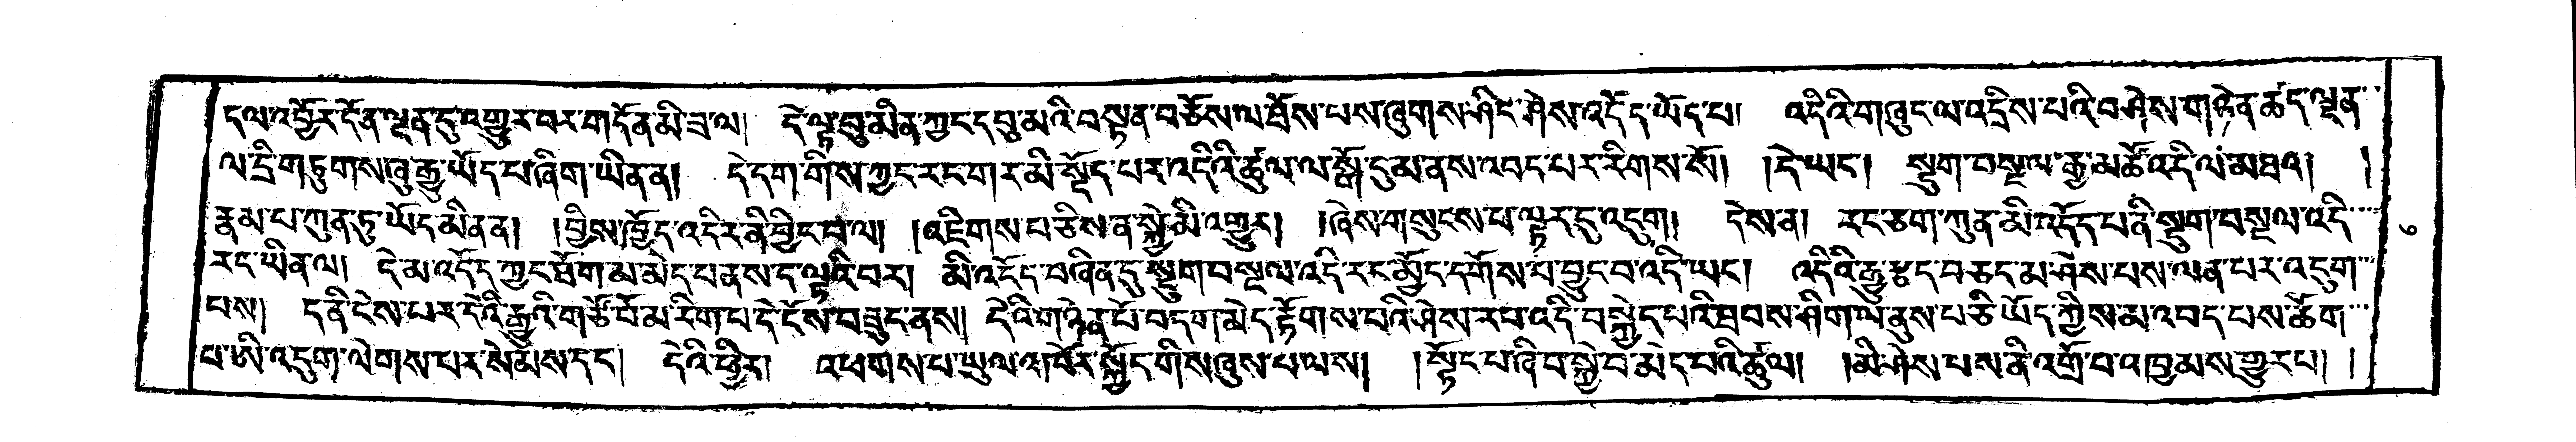དལ་འབྱོར་དོན་ལྡན་དུ་འགྱུར་བར་གདོན་མི་ཟ་ལ། དེ་ལྟ་བུ་མིན་ཀྱང་དབུ་མའི་བསྟན་བཅོས་ལ་ཐོས་པས་ཞུགས་ཤིང་ཤེས་འདོད་ཡོད་པ། འདིའི་གཞུང་ལ་འདྲིས་པའི་བཤེས་གཉེན་ཚད་ལྡན་
ལ་དྲི་གཏུགས་ཞུ་རྒྱུ་ཡོད་པ་ཞིག་ཡིན་ན། དེ་དག་གིས་ཀྱང་རང་གར་མི་སྡོད་པར་འདིའི་ཚུལ་ལ་སྒོ་དུ་མ་ནས་འབད་པར་རིགས་སོ། །དེ་ཡང་། སྡུག་བསྔལ་རྒྱ་མཚོ་འདི་ལ་མཐའ། །
རྣམ་པ་ཀུན་ཏུ་ཡོད་མིན་ན། །བྱིས་ཁྱོད་འདིར་ནི་བྱིང་བ་ལ། །འཇིགས་པ་ཅིས་ན་སྐྱེ་མི་འགྱུར། །ཞེས་གསུངས་པ་ལྟར་དུ་འདུག །དེས་ན། རང་ཅག་ཀུན་མི་འདོད་པ་ནི་སྡུག་བསྔལ་འདི་
རང་ཡིན་ལ། དེ་མ་འདོད་ཀྱང་ཐོག་མ་མེད་པ་ནས་ད་ལྟའི་བར། མི་འདོད་བཞིན་དུ་སྡུག་བསྔལ་འདི་རང་མྱོང་དགོས་པ་བྱུང་བ་འདི་ཡང་། འདིའི་རྒྱུ་རྩད་བཅད་མ་ཤེས་པས་ལན་པར་འདུག་
པས། ད་ནི་ངེས་པར་དེའི་རྒྱུའི་གཙོ་བོ་མ་རིག་པ་དེ་ངོས་བཟུང་ནས། དེའི་གཉེན་པོ་བདག་མེད་རྟོགས་པའི་ཤེས་རབ་འདི་བསྐྱེད་པའི་ཐབས་ཤིག་ལ་ནུས་པ་ཅི་ཡོད་ཀྱིས་མ་འབད་པས་ཆོག་
པ་ཨི་འདུག་ལེགས་པར་སེམས་དང་། དེའི་ཕྱིར། འཕགས་པ་ཡུལ་འཁོར་སྐྱོང་གིས་ཞུས་པ་ལས། །སྟོང་པ་ཞི་བ་སྐྱེ་བ་མེད་པའི་ཚུལ། །མི་ཤེས་པས་ནི་འགྲོ་བ་འཁྱམས་གྱུར་པ། །